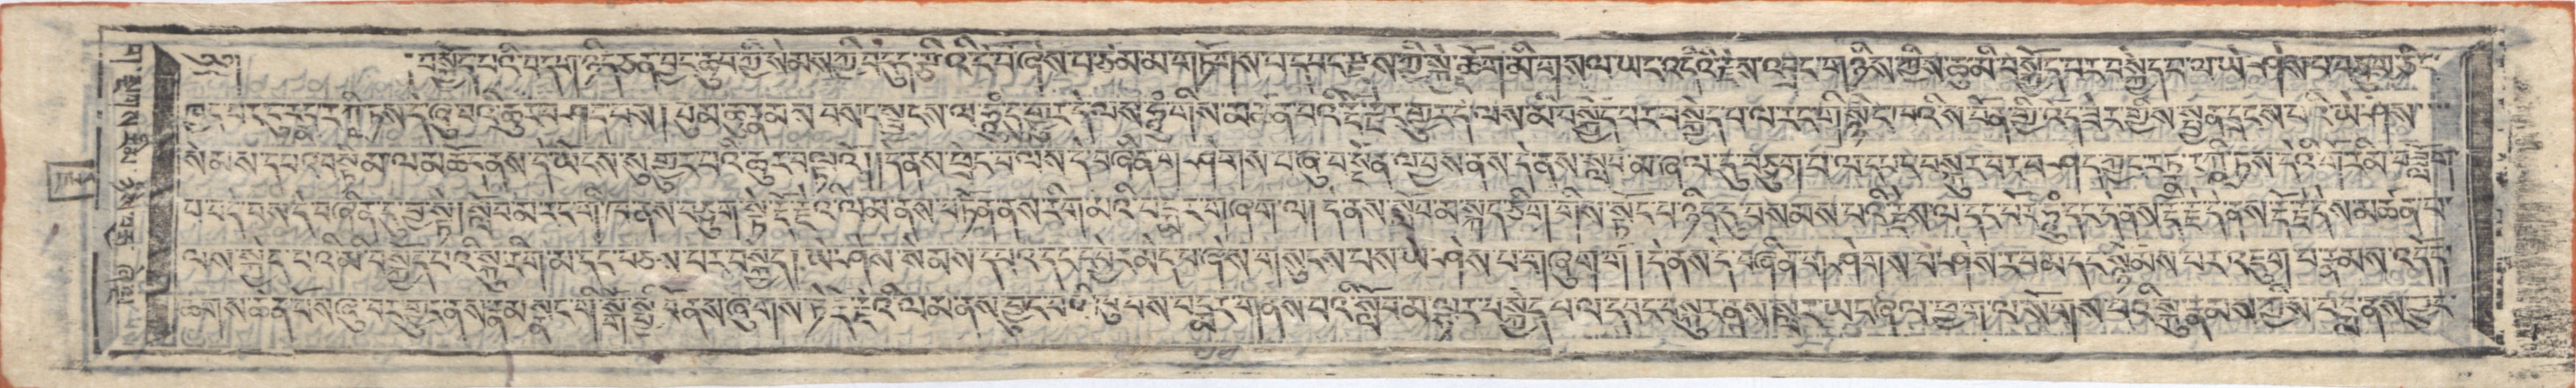༄༅། །བསྐྱོད་པའི་བདག་ཉིད་ཅན་བྱང་ཆུབ་ཀྱི་སེམས་ཀྱི་བདུད་རྩིའི་ངོ་བོ་ཞེས་པ་ཙམ་མ་གཏོགས་པ་དབང་རྫས་ཀྱི་སྐྱེ་ཆོག་མི་གསལ་ཡང་འདིའི་རྗེས་འབྲང་གཉིས་ཀྱིས་ཆུ་མི་བསྐྱོད་པར་བསྐྱེད་པ་ལ་ཡེ་ཤེས་པ་བཅུག་ཅིང་
ཁྱད་པར་དུ་རཏྣ་རཀྵི་ཏས་དེ་ཞུ་བའི་ཆུར་བཤད་པས། བུམ་ཆུ་རྣམས་བསང་སྦྱངས་ལ་ཧཱུཾ་དུ་གྱུར་དེ་ལས་ཧཱུཾ་གིས་མཚན་པའི་རྡོ་རྗེར་གྱུར་དེ་ལས་མི་བསྐྱོད་པར་བསྐྱེད་པ་ལ་རང་གི་སྙིང་ཁའི་ས་བོན་གྱི་འོད་ཟེར་གྱིས་སྤྱན་དྲངས་པའི་ཡེ་ཤེས་
སེམས་དཔའ་བསྟིམ་ལ་མཆོད་ནས་དེ་ཡོངས་སུ་གྱུར་པའི་ཆུར་བལྟའོ། །དེ་ནས་ཕྲེང་བ་ལས་དེ་བཞིན་གཤེགས་པ་ཞུ་བ་སྔོན་ལ་བྱས་ནས་དེ་ལས་སློབ་མ་ཞལ་དུ་བཅུག་པ་ལ་དབང་བསྐུར་བར་བཤད་ཀྱང་རཏྣ་རཀྵི་ཏས་དེའི་གོ་རིམ་བཟློག་
པ་བདེ་བས་དེ་བཞིན་དུ་བྱ་སྟེ། སློབ་མ་རང་གི་ཁ་ནས་བཅུག་སྟེ་རྡོ་རྗེའི་ལམ་ནས་བཏོན་ནས་རིག་མའི་པདམར་གཞག་ལ། དེ་ནས་སློབ་མ་སྐད་ཅིག་གིས་སྟོང་པ་ཉིད་དུ་བསམས་པའི་རྗེས་ལ་དང་པོར་ཧཱུཾ་དང་དེ་ནས་རྡོ་རྗེ་དེ་ནས་རྡོ་རྗེ་དེས་མཚན་པ་
ལས་སྐྱེད་པའི་མི་བསྐྱོད་པའི་སྐུ་རིག་མ་དང་བཅས་པར་བསྐྱེད། ཡེ་ཤེས་སེམས་དཔའ་དང་དབྱེར་མེད་པ་ཞེས་གསུངས་པས་ཡེ་ཤེས་པ་གཞུག་གོ །དེ་ནས་དེ་བཞིན་གཤེགས་པ་ཤེས་རབ་མ་དང་སྙོམས་པར་འཇུག་པ་རྣམས་འདོད་
ཆགས་ཆེན་པོར་ཞུ་པར་གྱུར་ནས་རྣམ་སྣང་གི་སྒོ་སྤྱི་བོ་ནས་ཞུགས་ཏེ་རྡོ་རྗེའི་ལམ་ནས་བྱུང་བའི་ཁུ་བས་པདམར་གནས་པའི་སློབ་མ་ལྷར་བསྐྱེད་པ་ལ་དབང་བསྐུར་ནས་སླར་ཡང་ཞལ་ཕྱག་ལ་སོགས་པའི་སྐུ་རྣམས་ཀྱིས་པདམ་ནས་བྱུང་